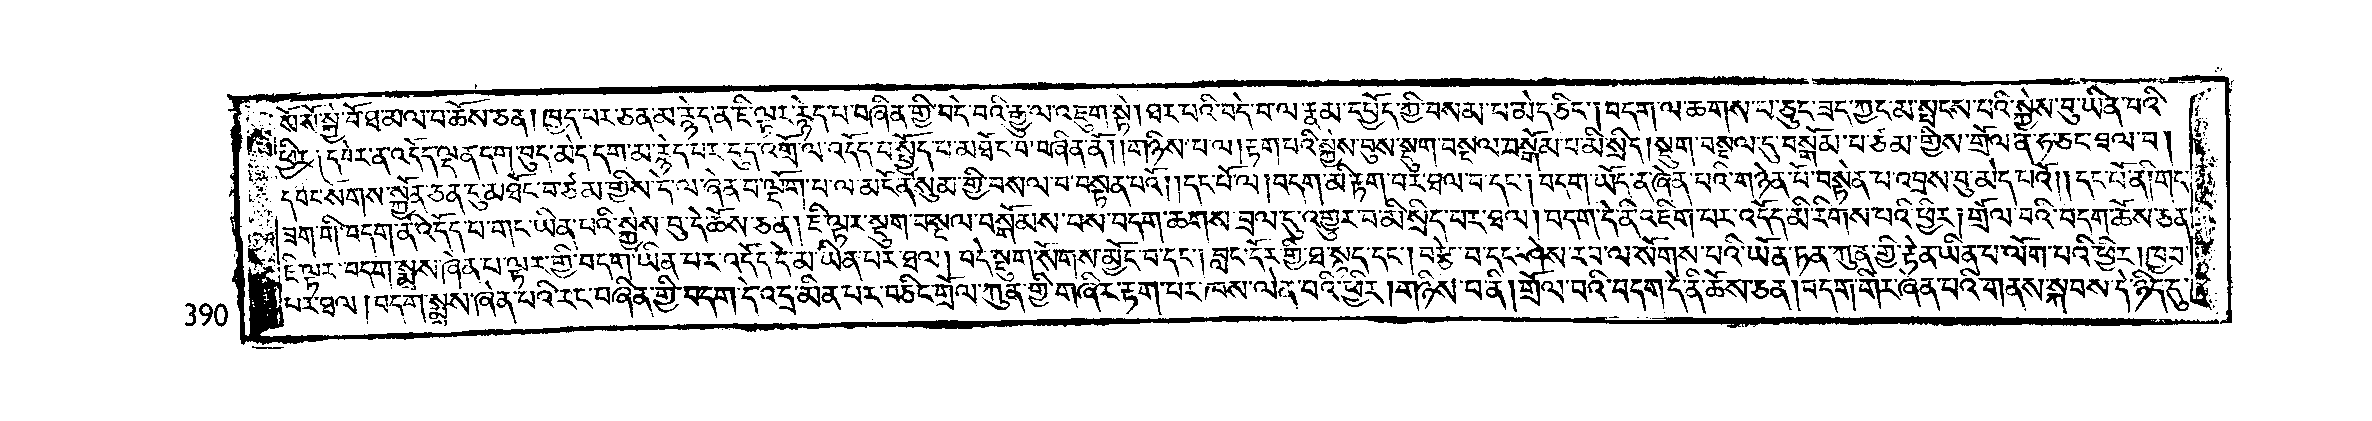སོ་སོ་སྐྱེ་བོ་ཐ་མལ་པ་ཆོས་ཅན། ཁྱད་པར་ཅན་མ་རྙེད་ན་ཇི་ལྟར་རྙེད་པ་བཞིན་གྱི་བདེ་བའི་རྒྱུ་ལ་འཇུག་སྟེ། ཐར་པའི་བདེ་བ་ལ་རྣམ་དཔྱོད་ཀྱི་བསམ་པ་མེད་ཅིང་། བདག་ལ་ཆགས་པ་ཅུང་ཟད་ཀྱང་མ་སྤངས་པའི་སྐྱེས་བུ་ཡིན་པའི་
ཕྱིར། དཔེར་ན་འདོད་ལྡན་དག་བུད་མེད་དག་མ་རྙེད་པར་དུད་འགྲོ་ལ་འདོད་པ་སྤྱོད་པ་མཐོང་བ་བཞིན་ནོ། །གཉིས་པ་ལ། རྟག་པའི་སྐྱེས་བུས་སྡུག་བསྔལ་བསྒོམ་པ་མི་སྲིད། སྡུག་བསྔལ་དུ་བསྒོམ་པ་ཙམ་གྱིས་གྲོལ་ན་ཧ་ཅང་ཐལ་བ།
དབང་སོགས་སྐྱོན་ཅན་དུ་མཐོང་བ་ཙམ་གྱིས་དེ་ལ་ཞེན་པ་ལྡོག་པ་ལ་མངོན་སུམ་གྱི་བསལ་བ་བསྟན་པའོ། །དང་པོ་ལ། བདག་མི་རྟག་པར་ཐལ་བ་དང་། བདག་ཡོད་ན་ཞེན་པའི་གཉེན་པོ་བསྟེན་པ་འབྲས་བུ་མེད་པའོ། །དང་པོ་ནི། གང་
ཟག་གི་བདག་ནི་འདོད་པ་གང་ཡིན་པའི་སྐྱེས་བུ་དེ་ཆོས་ཅན། ཇི་ལྟར་སྡུག་བསྔལ་བསྒོམས་པས་བདག་ཆགས་བྲལ་དུ་འགྱུར་བ་མི་སྲིད་པར་ཐལ། བདག་དེ་ནི་འཇིག་པར་འདོད་མི་རིགས་པའི་ཕྱིར། གྲོལ་བའི་བདག་ཆོས་ཅན་
ཇི་ལྟར་བདག་སྨྲས་ཞེན་པ་ལྟར་གྱི་བདག་ཡིན་པར་འདོད་དེ་མ་ཡིན་པར་ཐལ། བདེ་སྡུག་སོགས་མྱོང་བ་དང་། བླང་དོར་གྱི་ཐ་སྙད་དང་། བརྩེ་བ་དང་ཤེས་རབ་ལ་སོགས་པའི་ཡོན་ཏན་ཀུན་གྱི་རྟེན་ཡིན་པ་ལོག་པའི་ཕྱིར། ཁྱབ་
པར་ཐལ། བདག་སྨྲས་ཞེན་པའི་རང་བཞིན་གྱི་བདག་དེ་འདྲ་མིན་པར་བཅིང་གྲོལ་ཀུན་གྱི་གཞིར་རྟག་པར་ཁས་ལེན་པའི་ཕྱིར། གཉིས་པ་ནི། གྲོལ་བའི་བདག་དེ་ནི་ཆོས་ཅན། བདག་གིར་ཞེན་པའི་གནས་སྐབས་དེ་ཉིད་དུ་